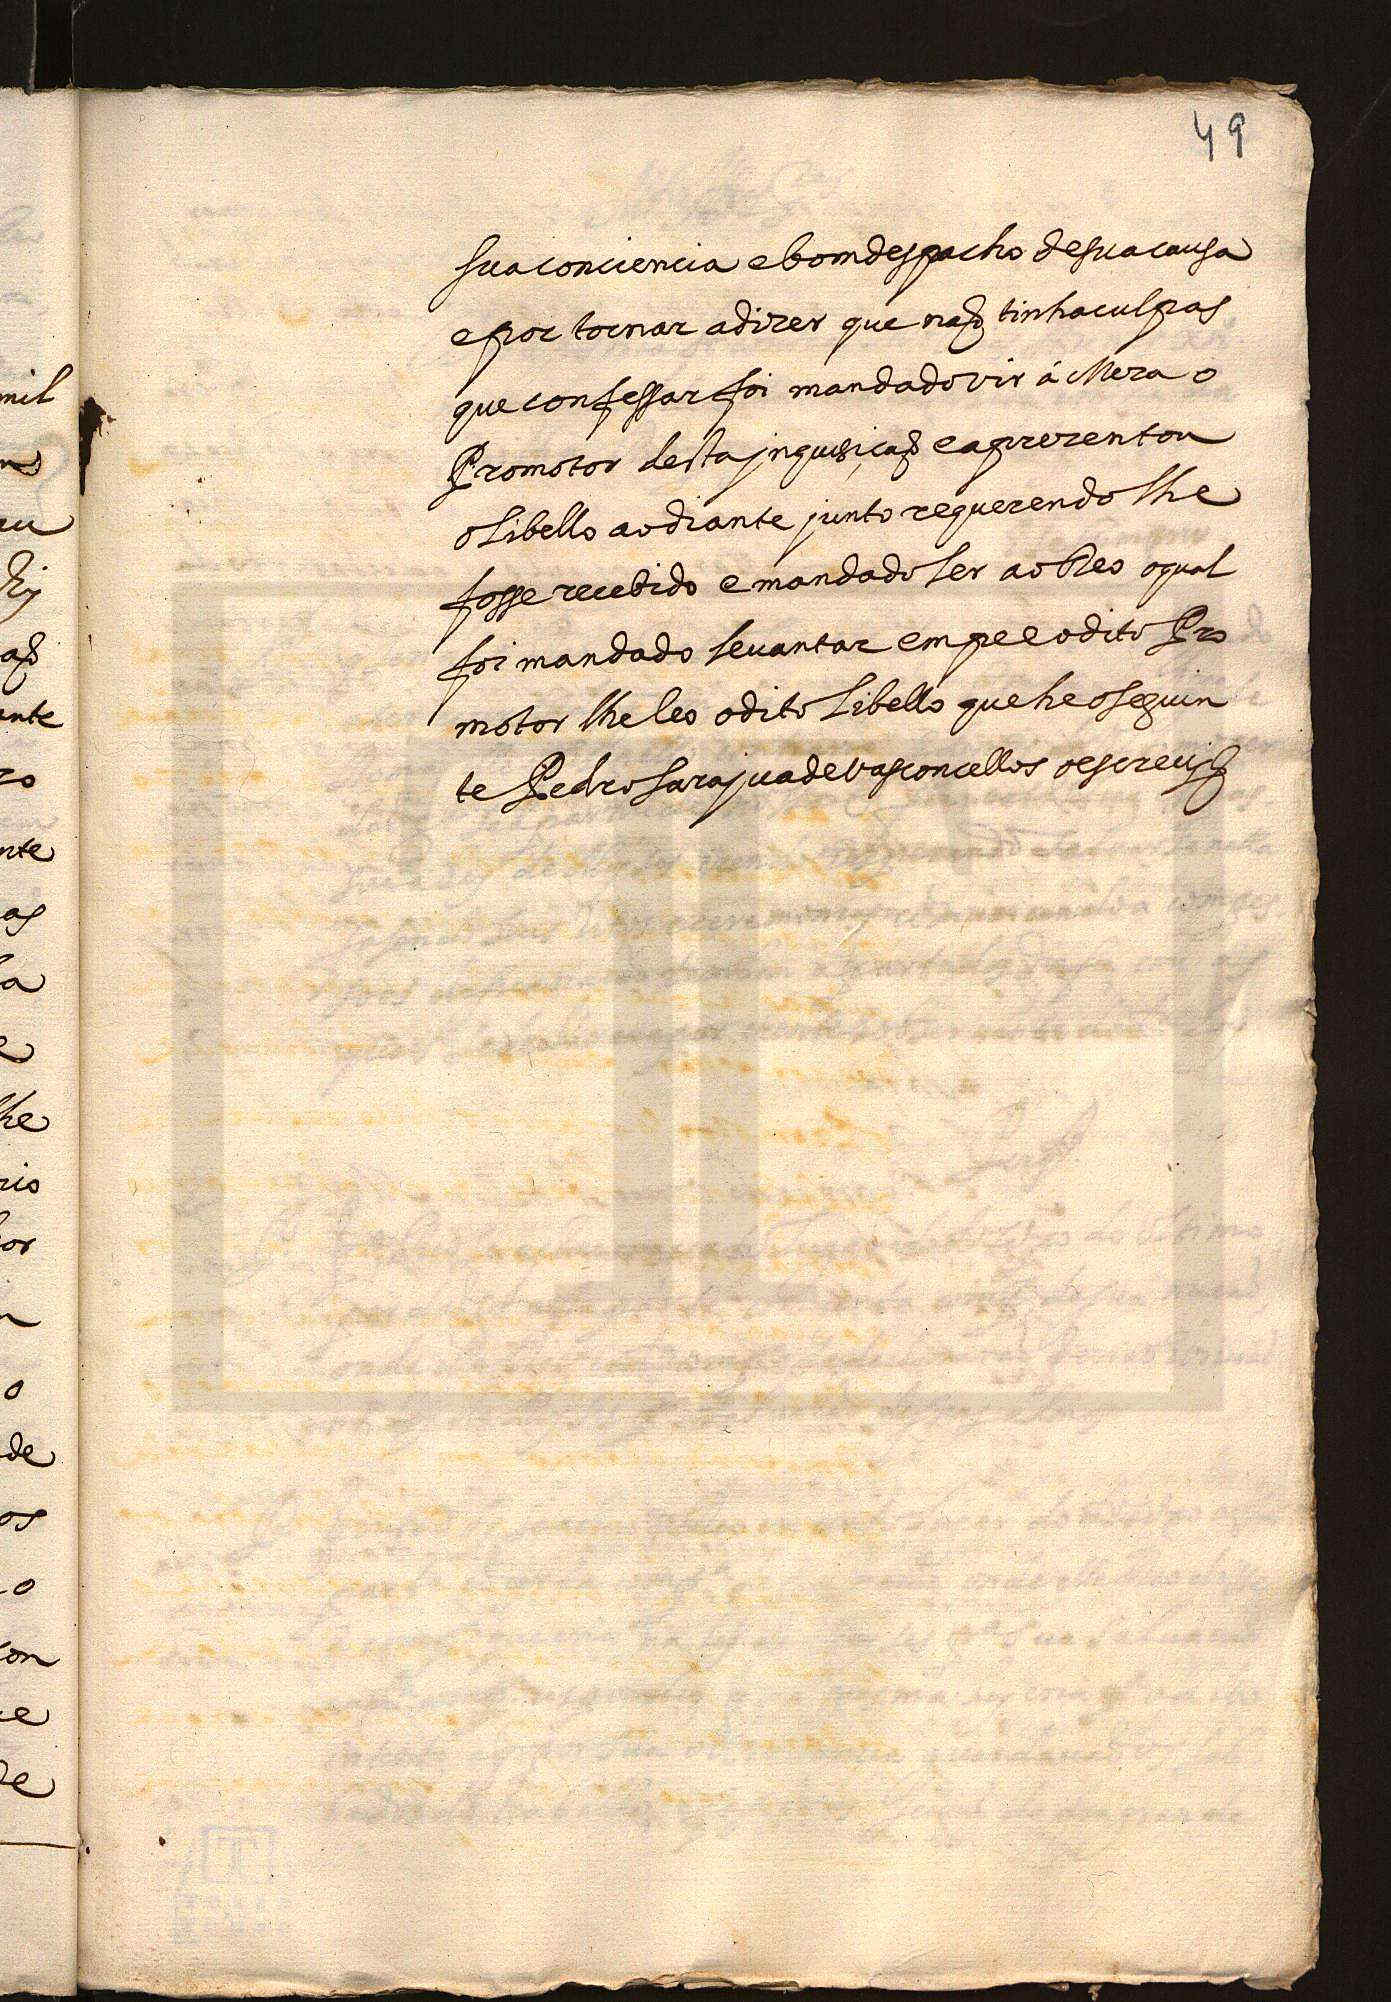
sua conciencia e bom despacho de sua causa
e por tornar a dizer que naõ tinha culpas
que confessar foi mandado vir á Meza o
Promotor desta jnquisiçaõ e aprezentou
o Libello aodiante junto requerendolhe
fosse recebido e mandado Ler ao Reo o qual
foi mandado leuantar em que o dito Pro
motor lhe leo o dito Libello que he o seguin
te Pedro sarajua de vasconcellos o escrevj
